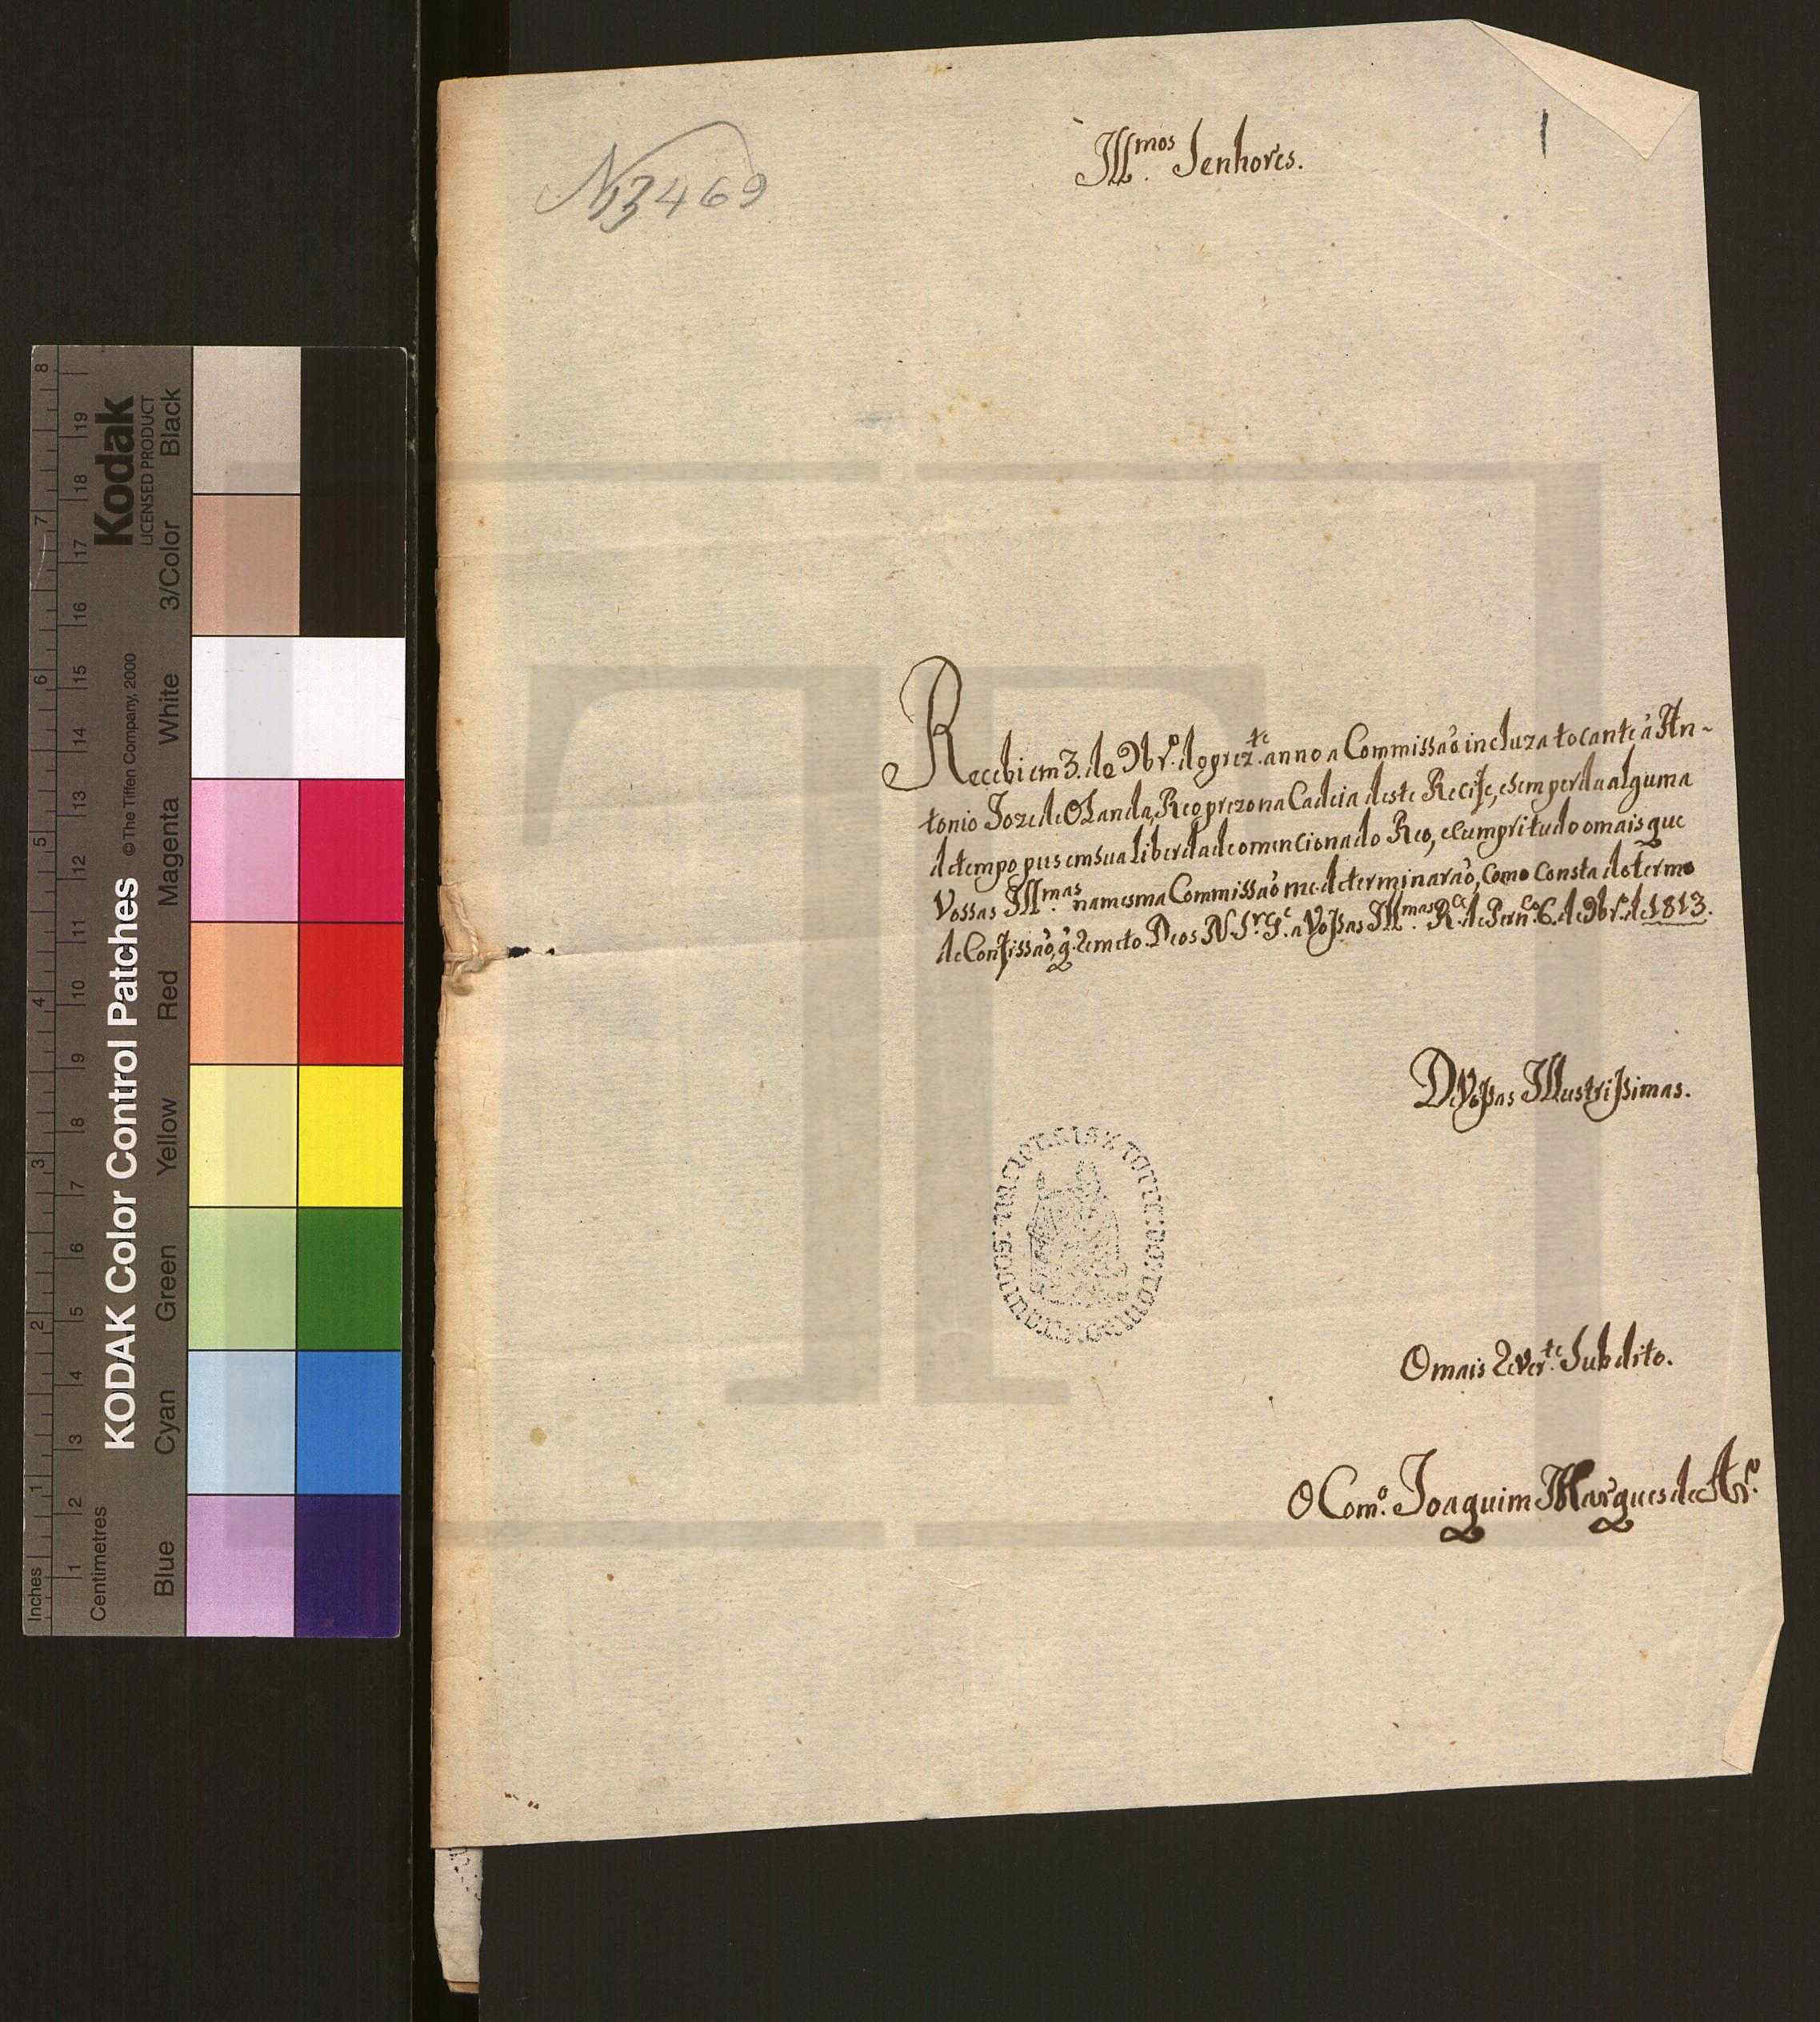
Ill.mos Senhores.
Recebi em 3. do 9br.o do prez.te anno a Commissaõ incluza tocante à An
tonio Ioze de OLanda, Reo prezo na Cadeia deste Recife, e sem perda alguma
de tempo pus em sua Liberdade o mencionado Reo, e cumpri tudo o mais que
Vossas Ill.mas na mesma Commissaõ me determinaraõ, como consta do termo
de Confissaõ, q̄ Remeto Deos N. S.r G.e a Vossas Ill.mas R.ce de Pern.co 6. de 9br.o de 1813.
De Vossas Illustrissimas.
O mais Rever.te Subdito.
O Com.o Ioaquim Marques de Ar.o
